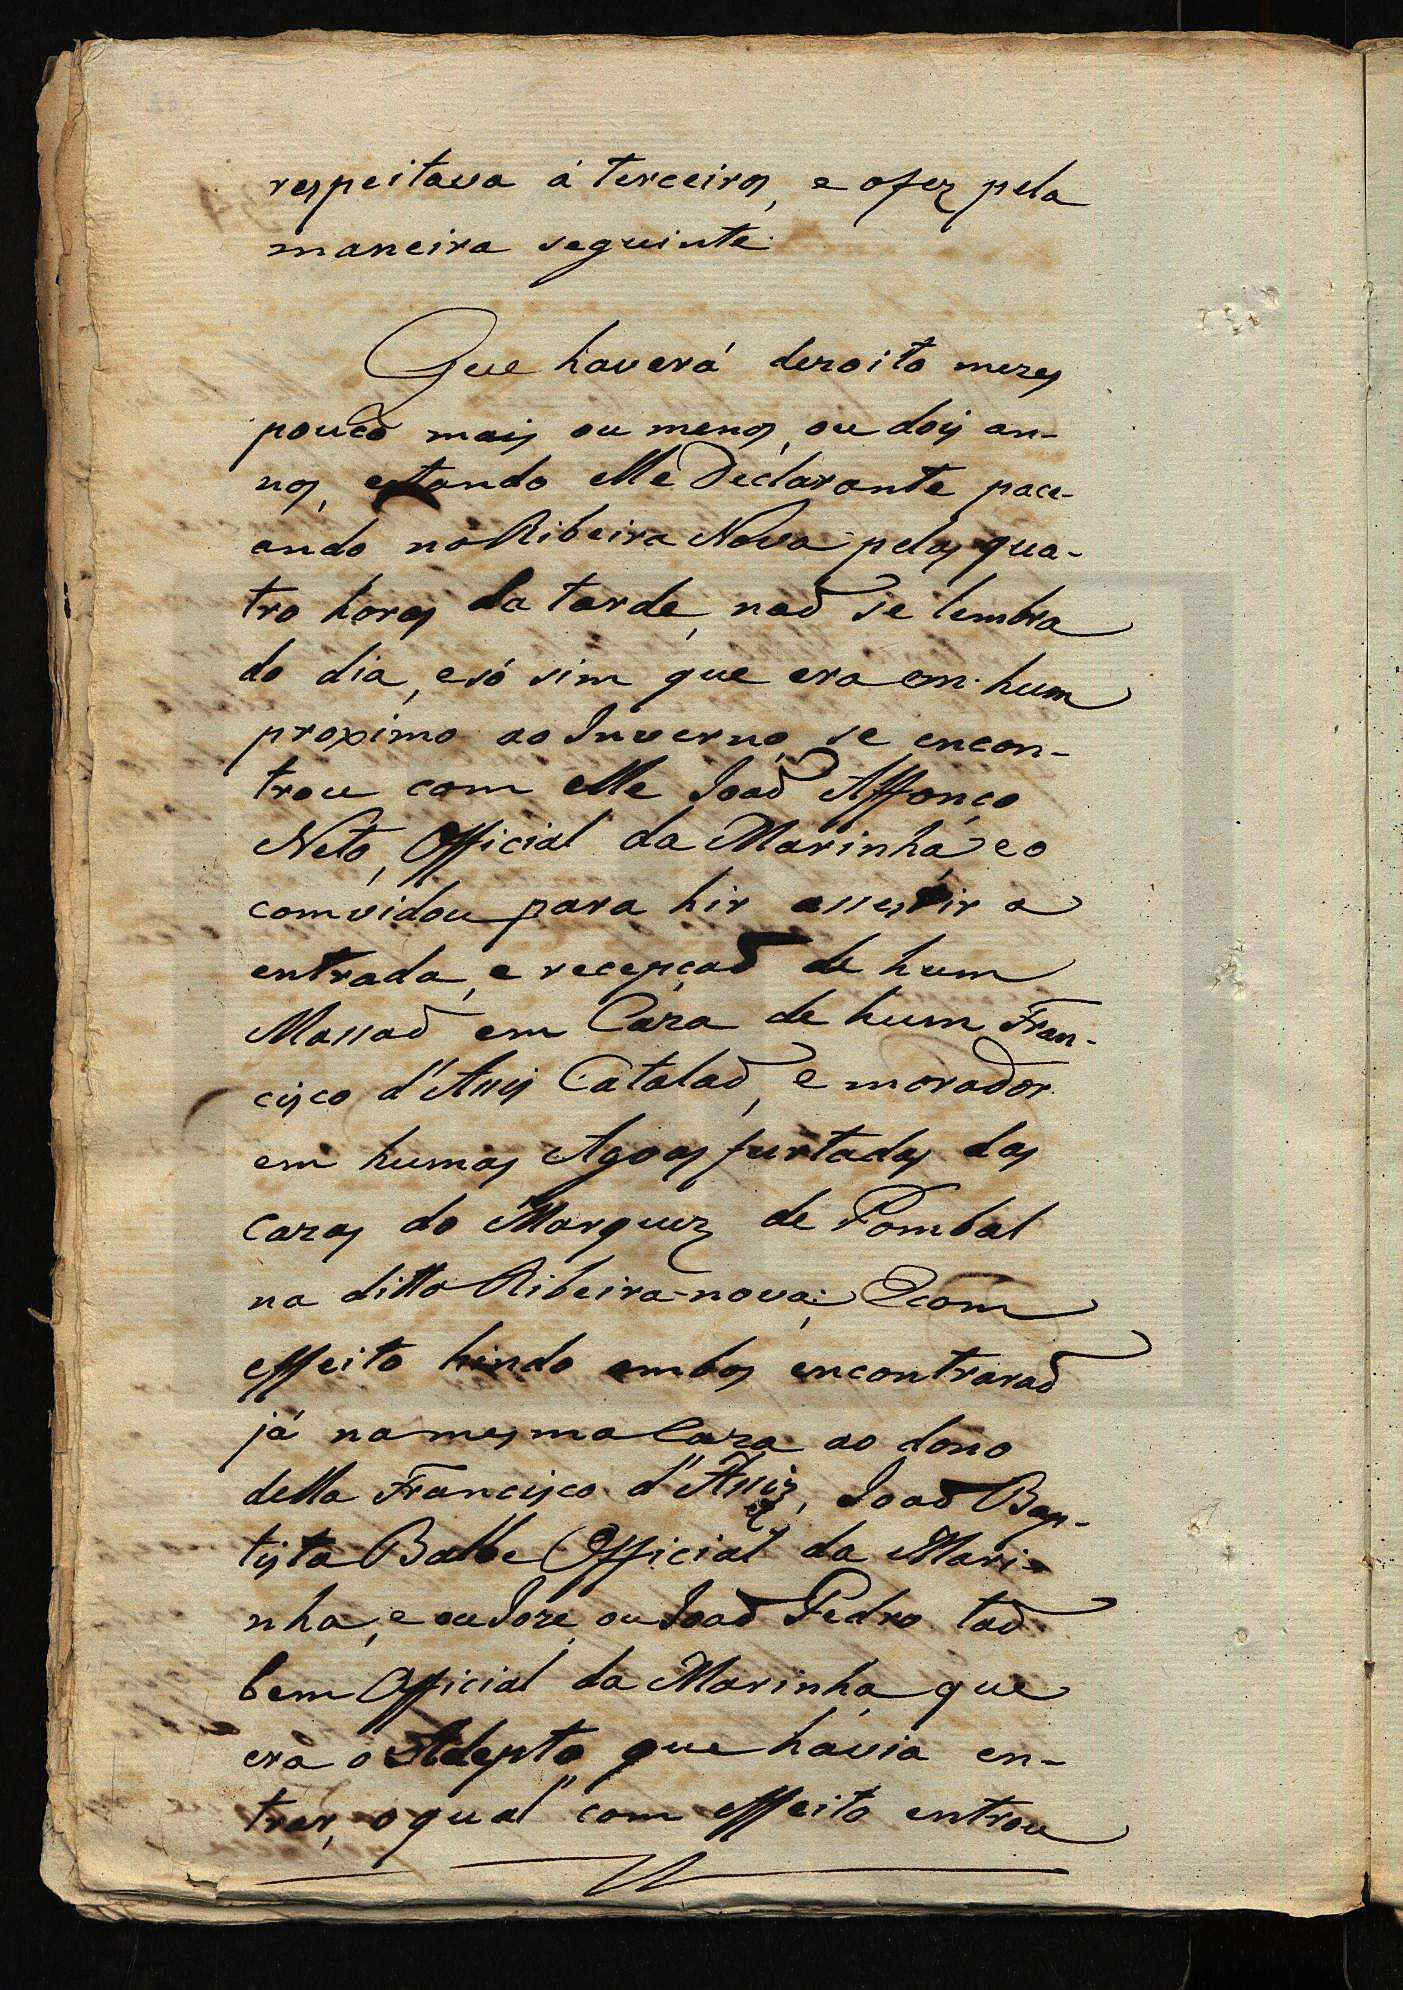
respeitava á terceiros, e o fez pela
maneira seguinte.
Que haverá dezoito mezes
pouco mais ou menos, ou dois an
nos, estando elle Declarante pace
ando na Ribeira Nova pelas qua
tro horas da tarde, naõ se lembra
do dia, e só sim que era em hum
proximo ao Inverno se encon
trou com elle Joaõ Affonço
Neto Official da Marinha e o
comvidou para hir assestir a
entrada, e recepçaõ de hum
Massaõ em Caza de hum Fran
cisco d'Assis Catalaõ, e morador
em humas Agoas furtadas das
cazas do Marquez de Pombal
na ditta Ribeira-nova; E com
effeito hindo ambos encontraraõ
já na mesma caza ao dono
della Francisco d'Assiz, Joaõ Bap
tista Balbe Official daMari
nha, e ou Joze, ou Joaõ Pedro taõ
bem Official da Marinha que
era o Adepto que havia en
trar, o qual com effeito entrou
